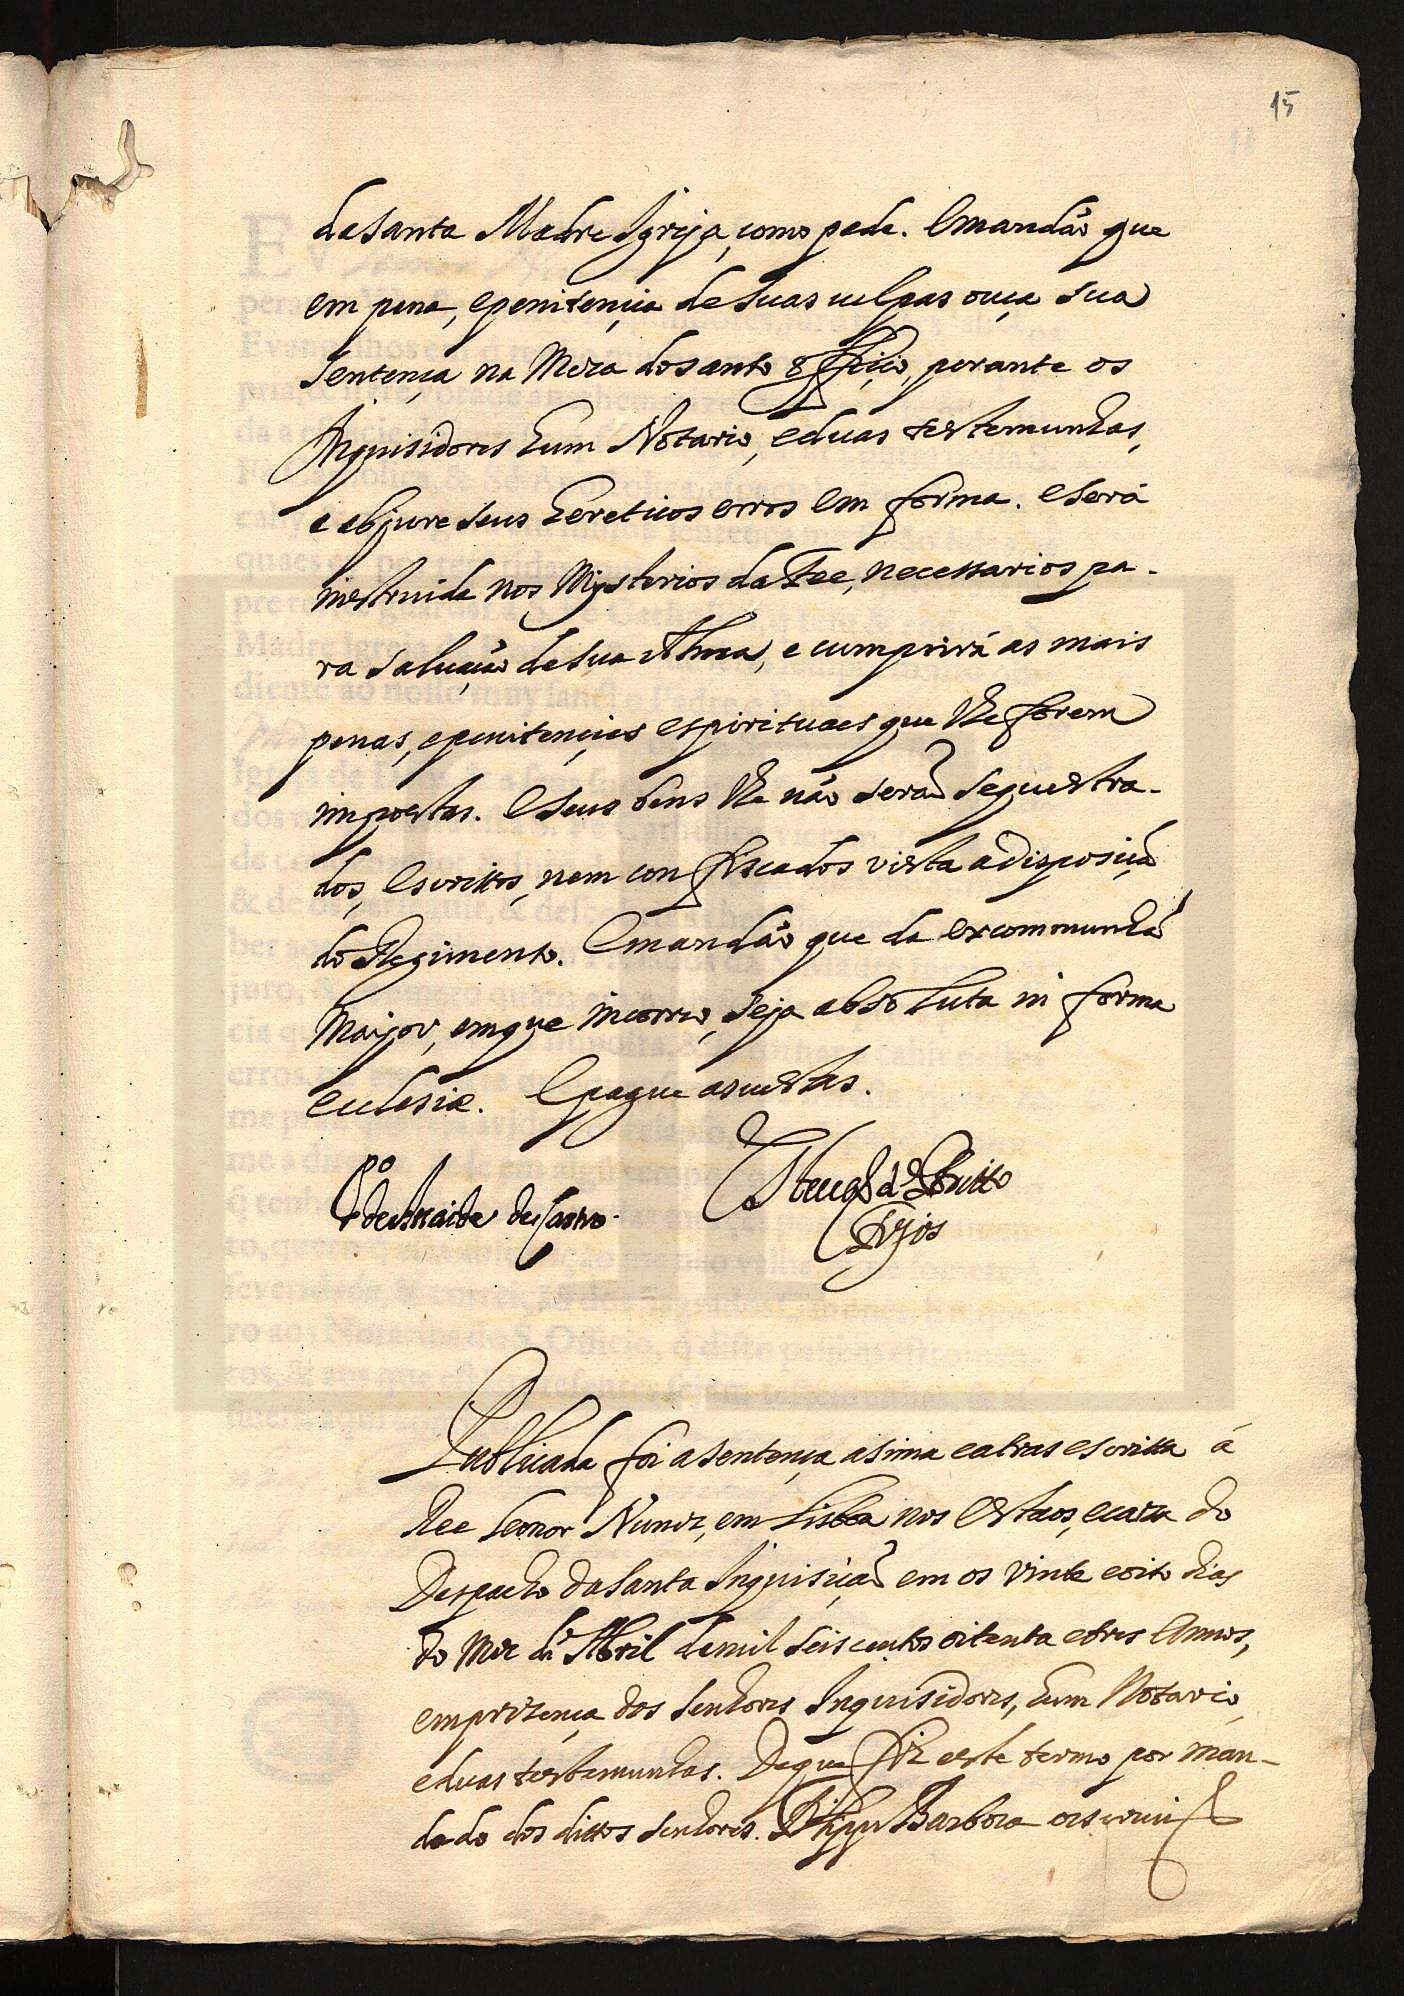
da santa Madre Igreja como pode. E mandaõ que
em pena, e penitencia de Suas culpas ouça sua
Sentença na Meza do santo officio, perante os
Jnquisidores hum Notario, e duas testemunhas,
e abjure seus hereticos erros em forma. e será
instruida nos Mysterios da Fee, necessarios pa
ra saluação de sua Alma, e cumprirá as mais
penas, e penitencias espirituaes que lhe forem
impostas. E seus bens lhe não seraõ sequestra
dos, escrittos, nem confiscados vista a disposiçaõ
do Regimento. E mandaõ que da excommunhaõ
Mayor, em que incorreo, seja absoluta in forma
ecclesiæ. E pague as custas.
Esteuaõ de Britto
Foyos
Po de Attaide de Castro.
Publicada foi a sentença asima e atras escritta á
Ree Leonor Nunez, em Lisboa nos Estaos, e caza do
Despacho da Santa Inquisiçaõ em os vinte e oito dias
do mez de Abril de mil seiscentos oitenta e tres Annos,
em prezença dos senhores Inquisidores, hum Notario
e duas testemunhas. De que fiz este termo por man
dado dos dittos senhores Filippe Barboza o escreui
